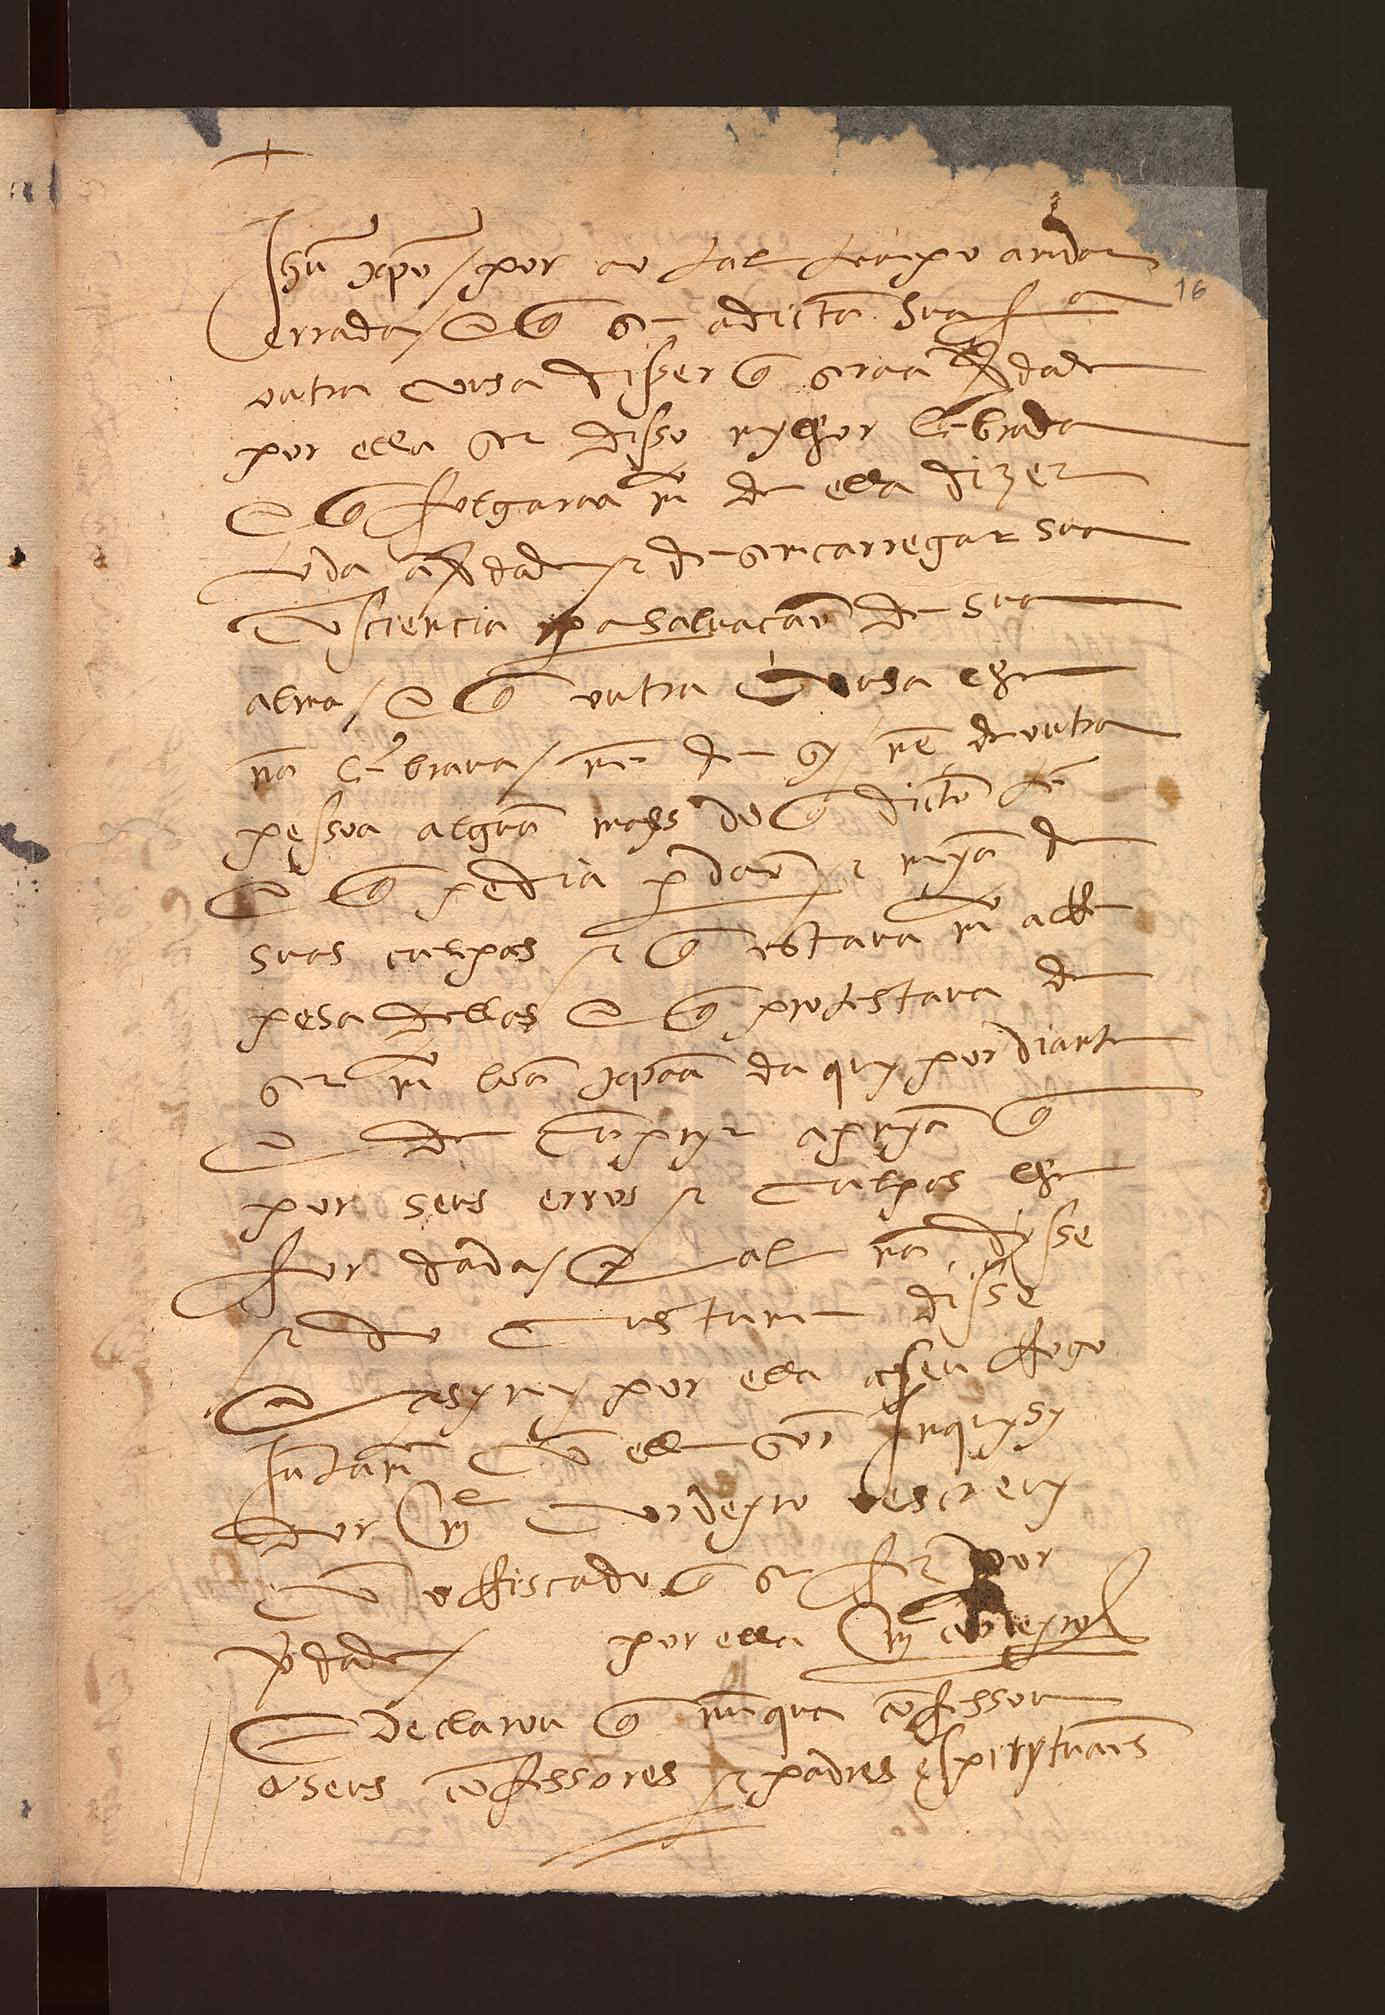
Jhū xp̄o / por ao tal tempo andar
errada / e q̄ se a dicta sua fa
outra cousa disser q̅ seraa ꝟdade
por ella ser disso mylhor lēbrada
e q̄ folgaraa mto de ella dizer
toda a ꝟdade e desemcarregar sua
Cōsciencia ꝑa saluação de sua
alma / e q̄ outra Cousa lhe
nā lēbraua / n̄e de sy n̄e de outra
pessoa algūa maes do q̄ dicto tē
e q̄ pedia ꝑdaõ e mȳa de
suas culpas e q̄ estaua mto aRe
pesa dellas e q̄ protestaua de
ser mto boā xpāa daquy por diante
e de cūpryr a pnȳa q̄
por seus erros e culpas lhe
for dada / e al nā disse
e do Custume disse
e asyney por ella a seu Rogo
Jūtamte Cō elle sōr Jnquysy
doe mel Cordeyro o escrevy
cō o Riscado q̄ se fez por
ꝟdade
por ella mel cordeyro
E declarou q̄ nūqua cōfessou
a seus cōfessores e padres espirytuaēs
